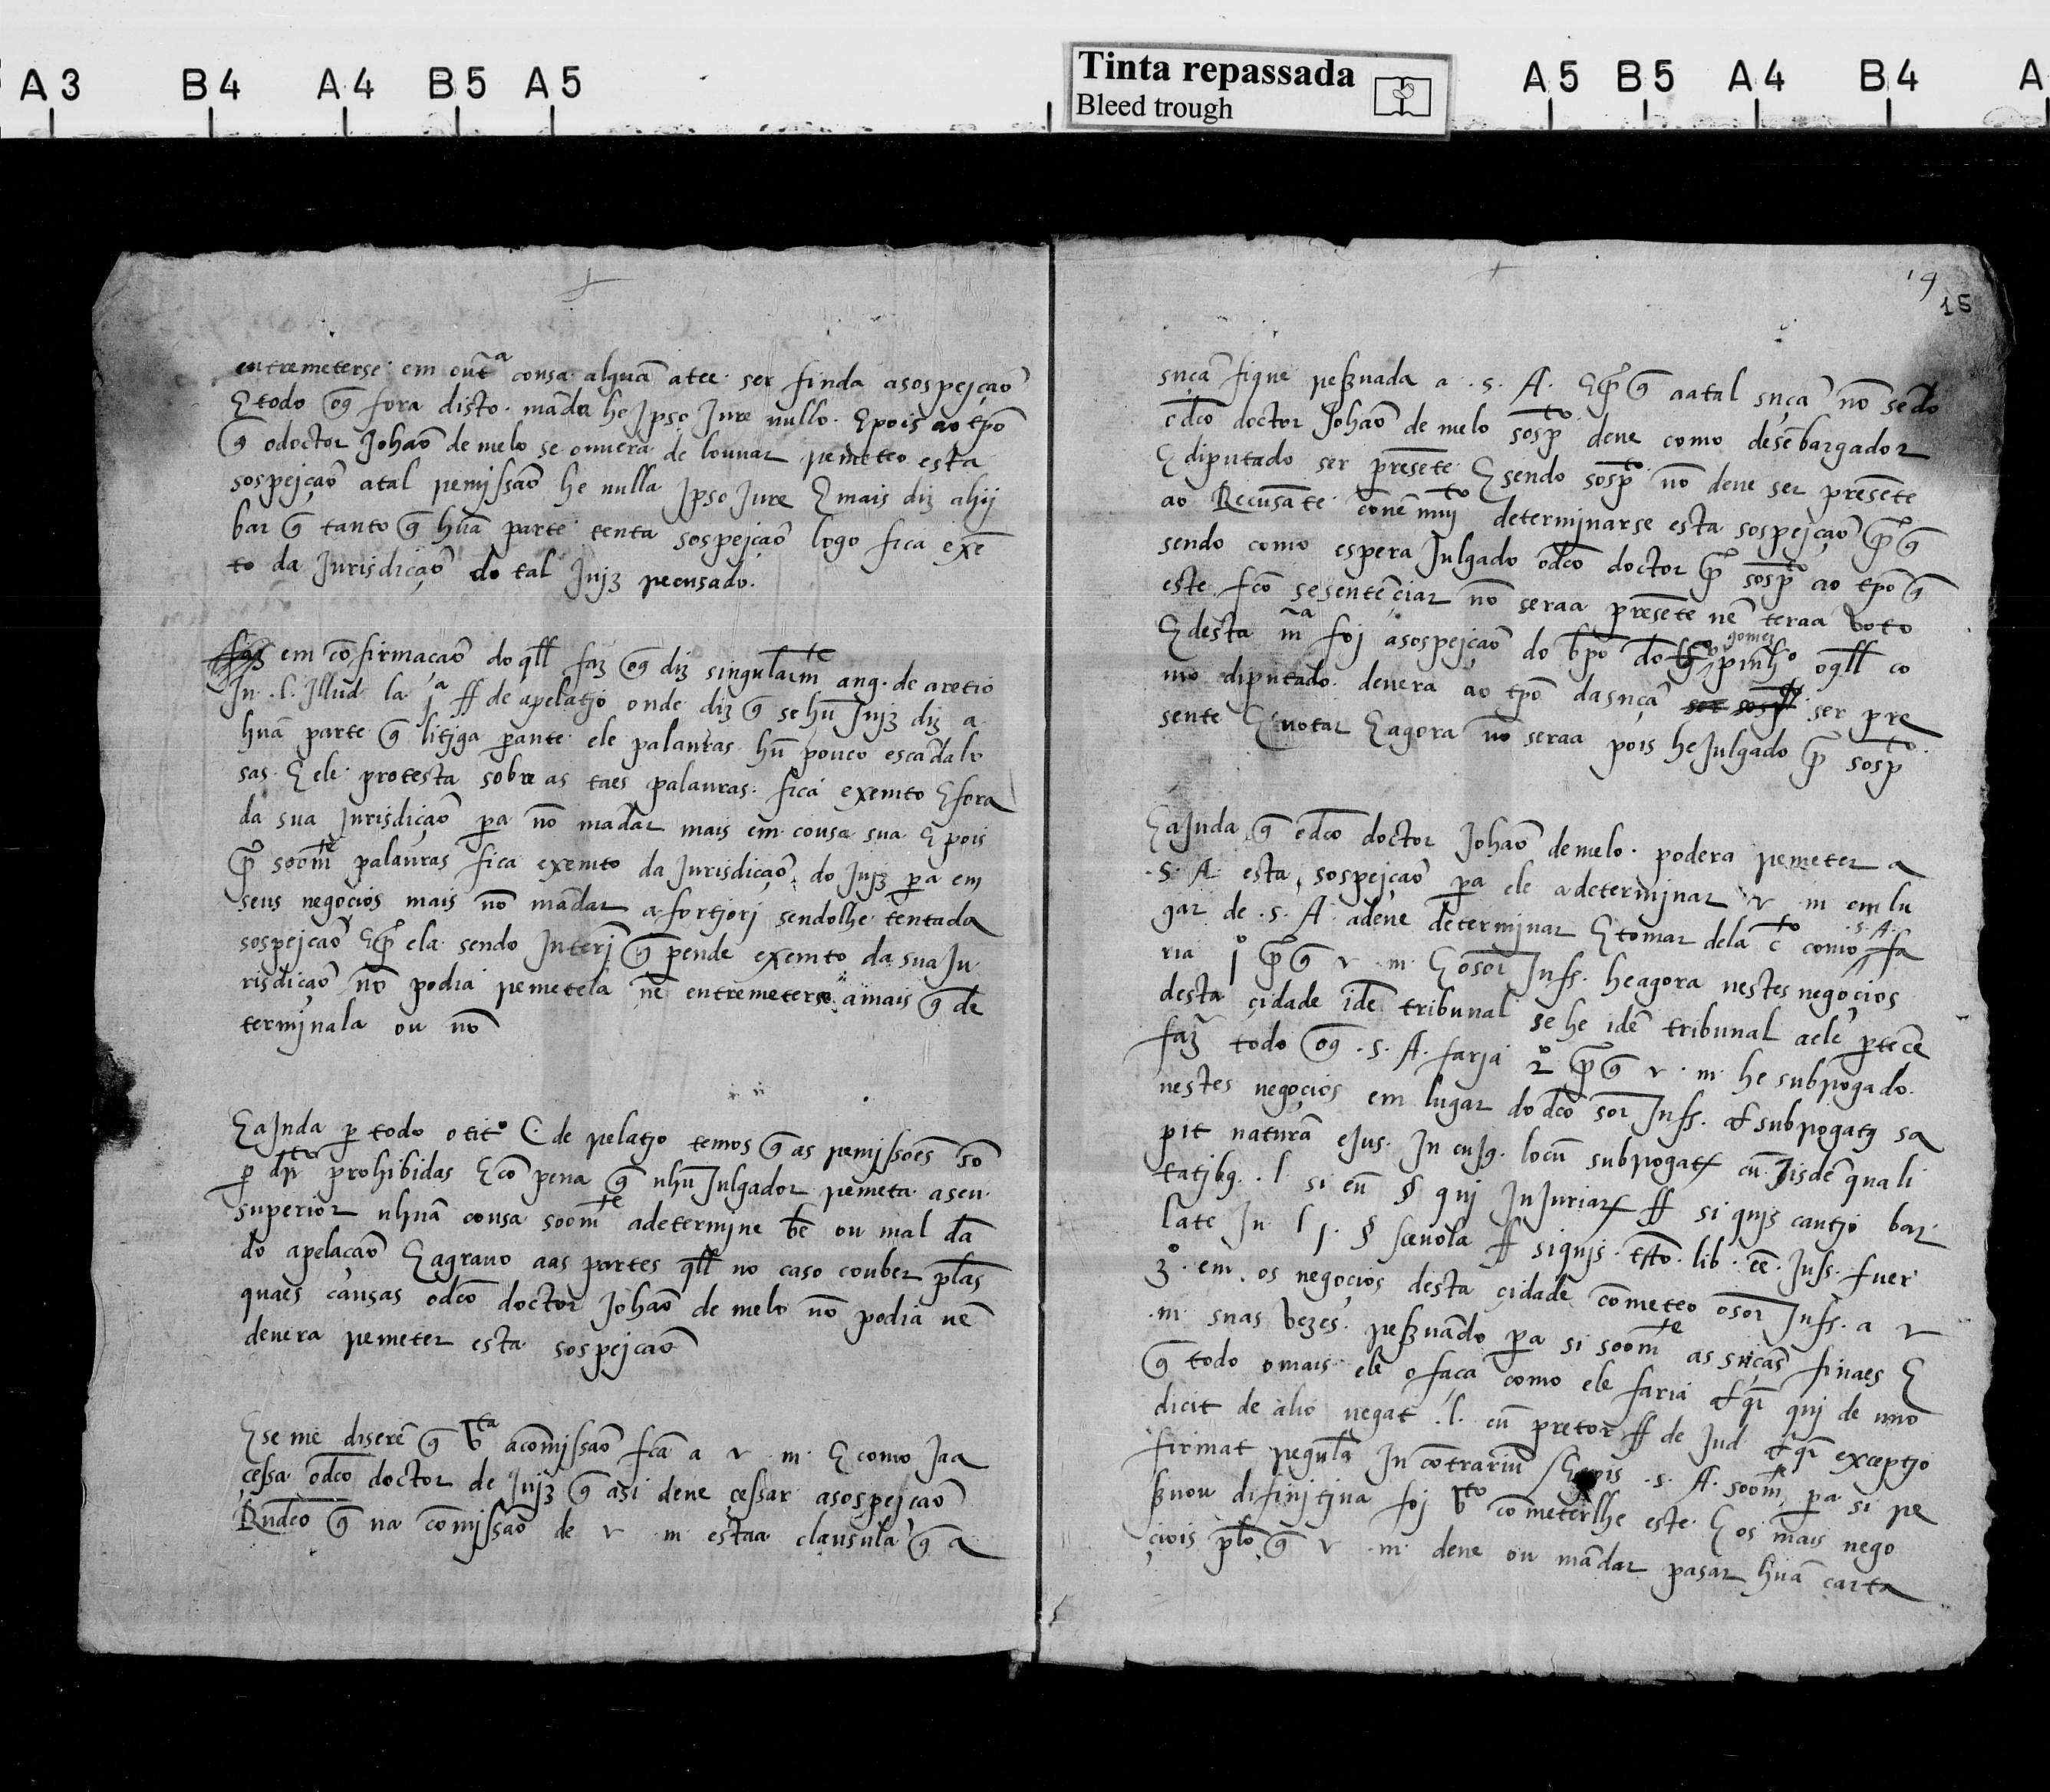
entremeterse em outra cousa alguā atee. ser finda a sospejçaõ
E todo o q̄ fora disto. māda he Jpso Jure nullo. E pois ao tpō
q̄ o doctor Johaõ de melo se ouuera de louuar remeteo esta
sospejção a tal remjssão he nulla Jpso Jure E mais diz a hij
bar q̄ tanto q̄ hūa parte tenta sospejção logo fica exē
to da Jurisdiçaõ do tal Jujz recusado.
faz em c̄ofirmaçaõ do q̄ll faz o q̄ diz singularmte ang. de aretio
Jn .l. Jllud la ja ff de apelatjo onde diz q̄ se hū Jujz diz a
hūa parte q̄ litjga ꝑante ele palauras hū pouco escādalo
sas E ele protesta sobre as taes palauras. fica exemto E fora
da sua Jurisdiçaõ ꝑa n̄o mādar mais em cousa sua E pois
p̄o soomte palauras fica exemto da Jurisdiçaõ do Jujz ꝑa em
seus negocios mais n̄o mādar a fortjorj sendolhe tentada
sospejçaõ E p̄o ela sendo Jnterj̄ q̄ pende exemto da sua Ju
risdiçaõ n̄o podia remetela nē entremeterse a mais q̄ de
termjnala ou n̄o
E aJnda ꝑ todo o tito C. de relatjo temos q̄ as remjssões s̄o
ꝑ drrto prohibidas E c̄o pena q̄ nhū Julgador remeta. a seu
superior nhūa cousa soomte a determjne bē ou mal dā
do apelaçaõ E agrauo aas partes q̄ll no caso couber p̄las
quaes causas o dc̄o doctor Johão de melo n̄o podia nē
deuera remeter esta sospejçaõ
E se me diserē q̄ vta a c̄omjssaõ fc̄a a v .m. E como Jaa
cessa o dc̄o doctor de Jujz q̄ asi deue cessar a sospejçaõ
Rūdeo q̄ na c̄omjssão de v m estaa clausula q̄ a
snçā fique reꞩuada a .s. A. E pō q̄ aa tal snça n̄o sēdo
o dc̄o doctor Johão de melo sospto deue como desēbargador
E diputado ser presēte E sendo sospto n̄o deue ser prēsete
ao Recūsate cōuē mujto determjnarse esta sospejção p̄oq̄
sendo como espera Julgado o d̄co doctor p̄o sospto ao tp̄o q̄
este fc̄o se sentēciar n̄o seraa presēte nē teraa voto
E desta mra foj a sospejção do b̄po dō Ro gomez pinhro o q̄ll co
mo diputado. deuera ao tp̄o da snçā ser sospto ser pre
sente E uotar E agora n̄o seraa pois he Julgado p̄o sospto
E aJnda q̄ o d̄co doctor Johão de melo. podera remeter a
.S. A. esta sospejçaõ ꝑa ele a determjnar v .m em lu
gar de .s. A. a deue determjnar E tomar dela cto como .s. A. fa
ria 1o p̄oq̄ v .m. E o s̄or Jnfꝭ. he agora nestes negocios
desta cidade īde tribunal se he idē tribunal a ele ꝑtēce
faz̄ todo o q̄ .s. A. farja 2o p̄oq̄ v. m. he subrogado
nestes negocios em lugar do d̄co s̄or Jnfꝭ. al̄ subrogatꝯ sa
pit naturā eJus. Jn cuJꝯ. locū subrogaꝷ cū Jisdē quali
tatjbꝯ. l si eū § quj JnJuriaꝝ .ff siqujs cautjo bar
late Jn l. 1 § Sceuola ff siqujs. t̄sto. lib. ēe. Juss. fuer
3o. em. os negocios desta cidade c̄ometeo o sōr Jnfꝭ. a v
.m. suas vezes reꞩuādo ꝑa si soomte as snçās finaes E
q̄ todo o mais ele o faça como ele faria al̄q̄i quj de uno
dicit de alio negat .l. cū pretor ff de Jud al̄qī exceptjo
firmat regūla Jn c̄otrarīu / E _ois .s. A. soomte ꝑa si re
ꞩuou difinjtjua foj vto c̄ometerlhe este E os mais nego
ciois p̄lo q̄ v .m. deue ou mādar pasar huā carta
